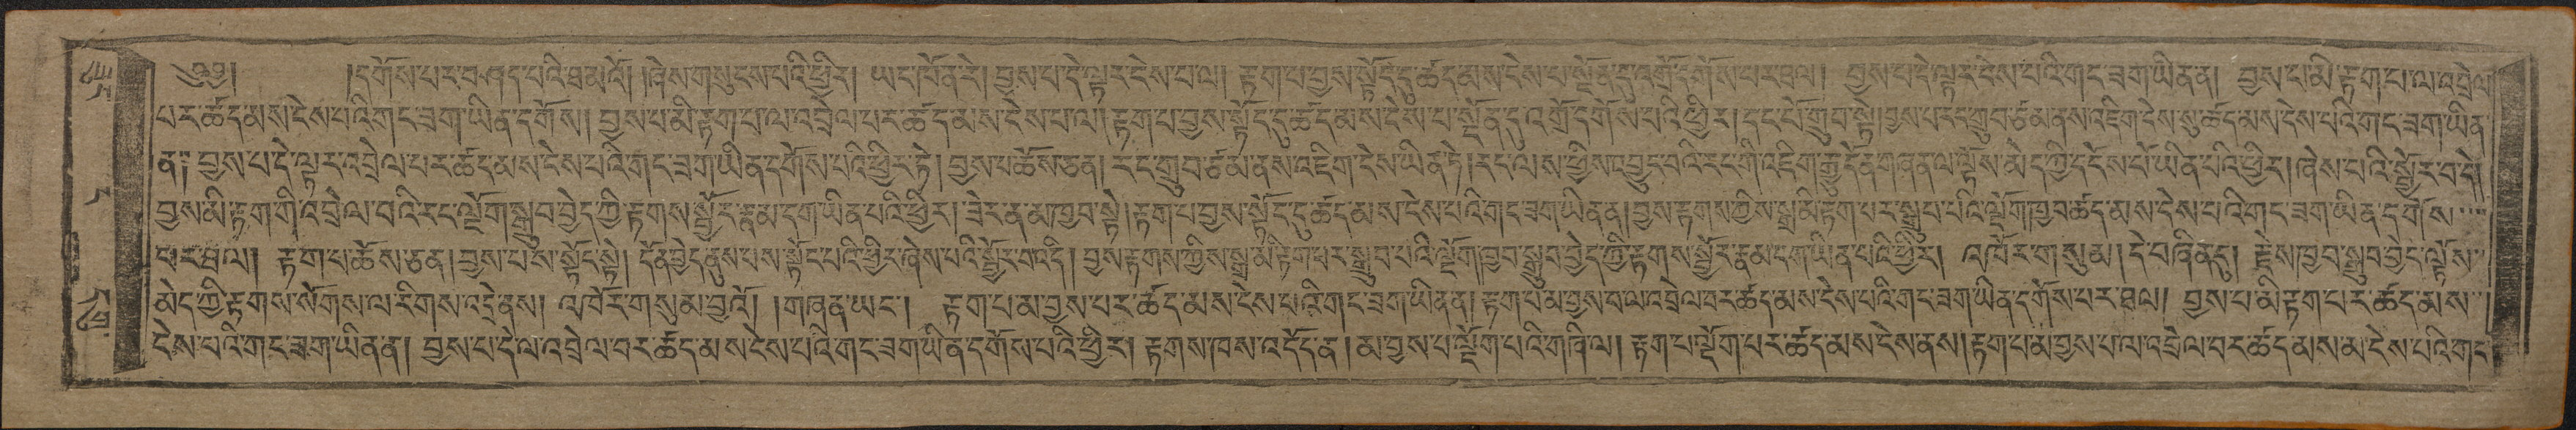༄༅། །དགོས་པར་བཤད་པའི་ཐ་མའོ། །ཞེས་གསུངས་པའི་ཕྱིར། ཡང་ཁོ་ན་རེ། བྱས་པ་དེ་ལྟར་ངེས་པ་ལ། རྟག་པ་བྱས་སྟོང་དུ་ཚད་མས་ངེས་པ་སྔོན་དུ་འགྲོ་དགོས་པར་ཐལ། བྱས་པ་དེ་ལྟར་ངེས་པའི་གང་ཟག་ཡིན་ན། བྱས་པ་མི་རྟག་པ་ལ་འབྲེལ་
པར་ཚད་མས་ངེས་པའི་གང་ཟག་ཡིན་དགོས། བྱས་པ་མི་རྟག་པ་ལ་འབྲེལ་པར་ཚད་མས་ངེས་པ་ལ། རྟག་པ་བྱས་སྟོང་དུ་ཚད་མས་ངེས་པ་སྔོན་དུ་འགྲོ་དགོས་པའི་ཕྱིར། དང་པོ་གྲུབ་སྟེ། བྱས་པ་རང་གྲུབ་ཙམ་ནས་འཇིག་ངེས་སུ་ཚད་མས་ངེས་པའི་གང་ཟག་ཡིན་
ན། བྱས་པ་དེ་ལྟར་འབྲེལ་པར་ཚད་མས་ངེས་པའི་གང་ཟག་ཡིན་དགོས་པའི་ཕྱིར་ཏེ། བྱས་པ་ཆོས་ཅན། རང་གྲུབ་ཙམ་ནས་འཇིག་ངེས་ཡིན་ཏེ། རང་ལས་ཕྱིས་འབྱུང་བའི་རང་གི་འཇིག་རྒྱུ་དོན་གཞན་ལ་ལྟོས་མེད་ཀྱི་དངོས་པོ་ཡིན་པའི་ཕྱིར། ཞེས་པའི་སྦྱོར་བ་དེ།
བྱས་མི་རྟག་གི་འབྲེལ་བའི་རང་ལྡོག་སྒྲུབ་བྱེད་ཀྱི་རྟགས་སྦྱོར་རྣམ་དག་ཡིན་པའི་ཕྱིར། ཟེར་ན་མ་ཁྱབ་སྟེ། རྟག་པ་བྱས་སྟོང་དུ་ཚད་མས་ངེས་པའི་གང་ཟག་ཡིན་ན། བྱས་རྟགས་ཀྱིས་སྒྲ་མི་རྟག་པར་སྒྲུབ་པའི་ལྡོག་ཁྱབ་ཚད་མས་ངེས་པའི་གང་ཟག་ཡིན་དགོས་
པར་ཐལ། རྟག་པ་ཆོས་ཅན། བྱས་པས་སྟོང་སྟེ། དོན་བྱེད་ནུས་པས་སྟོང་པའི་ཕྱིར་ཞེས་པའི་སྦྱོར་བ་འདི། བྱས་རྟགས་ཀྱིས་སྒྲ་མི་རྟག་པར་སྒྲུབ་པའི་ལྡོག་ཁྱབ་སྒྲུབ་བྱེད་ཀྱི་རྟགས་སྦྱོར་རྣམ་དག་ཡིན་པའི་ཕྱིར། འཁོར་གསུམ། དེ་བཞིན་དུ། རྗེས་ཁྱབ་སྒྲུབ་བྱེད་ལྟོས་
མེད་ཀྱི་རྟགས་སོགས་ལ་རིགས་འགྲེ་ནས། འཁོར་གསུམ་བྱའོ། །གཞན་ཡང་། རྟག་པ་མ་བྱས་པར་ཚད་མས་ངེས་པའི་གང་ཟག་ཡིན་ན། རྟག་པ་མ་བྱས་པ་ལ་འབྲེལ་བར་ཚད་མས་ངེས་པའི་གང་ཟག་ཡིན་དགོས་པར་ཐལ། བྱས་པ་མི་རྟག་པར་ཚད་མས་
ངེས་པའི་གང་ཟག་ཡིན་ན། བྱས་པ་དེ་ལ་འབྲེལ་བར་ཚད་མས་ངེས་པའི་གང་ཟག་ཡིན་དགོས་པའི་ཕྱིར། རྟགས་ཁས་འདོད་ན། མ་བྱས་པ་ལྡོག་པའི་གཞི་ལ། རྟག་པ་ལྡོག་པར་ཚད་མས་ངེས་ནས། རྟག་པ་མ་བྱས་པ་ལ་འབྲེལ་བར་ཚད་མས་མ་ངེས་པའི་གང་